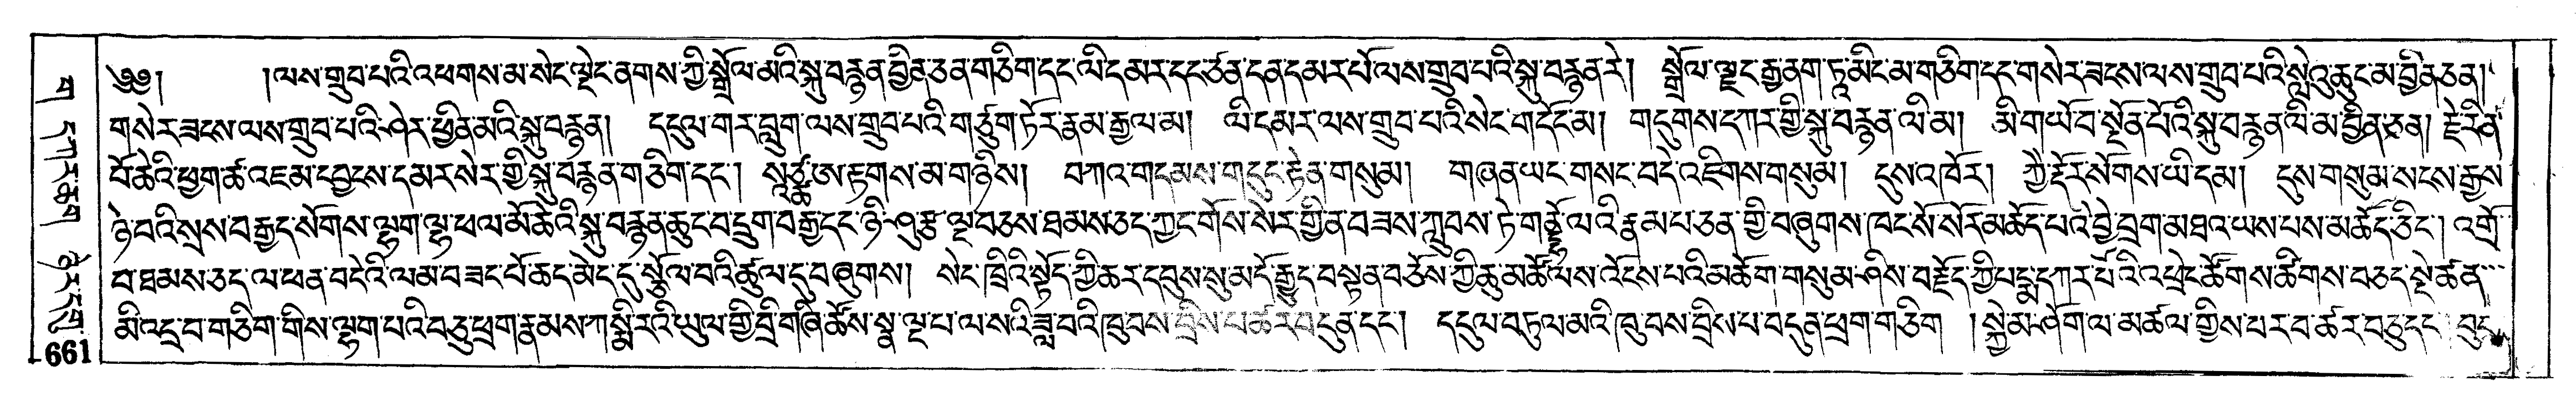༄༅། །ལས་གྲུབ་པའི་འཕགས་མ་སེང་ལྡེང་ནགས་ཀྱི་སྒྲོལ་མའི་སྐུ་བརྙན་བྱིན་ཅན་གཅིག་དང་ལི་དམར་དང་ཙན་དན་དམར་པོ་ལས་གྲུབ་པའི་སྐུ་བརྙན་རེ། སྒྲོལ་ལྗང་རྒྱ་ནག་ཏཱ་མིང་མ་གཅིག་དང་གསེར་ཟངས་ལས་གྲུབ་པའི་སླེའུ་ཆུང་མ་བྱིན་ཅན།
གསེར་ཟངས་ལས་གྲུབ་པའི་ཤེར་ཕྱིན་མའི་སྐུ་བརྙན། དངུལ་གར་བླུག་ལས་གྲུབ་པའི་གཙུག་ཏོར་རྣམ་རྒྱལ་མ། ལི་དམར་ལས་གྲུབ་པའི་སེང་གདོང་མ། གདུགས་དཀར་གྱི་སྐུ་བརྙན་ལི་མ། མི་གཡོ་བ་སྔོན་པོའི་སྐུ་བརྙན་ལི་མ་བྱིན་ཅན། རྗེ་རིན་
པོ་ཆེའི་ཕྱག་ཚ་འཇམ་དབྱངས་དམར་སེར་གྱི་སྐུ་བརྙན་གཅིག་དང་། སཱཙྪ་ཨ་རྟགས་མ་གཉིས། བཀའ་གདམས་གདུང་རྟེན་གསུམ། གཞན་ཡང་གསང་བ་ཏི་འཇིགས་གསུམ། དུས་འཁོར། ཀྱཻ་རྡོར་སོགས་ཡི་དམ། དུས་གསུམ་སངས་རྒྱས་
ཉེ་བའི་སྲས་བརྒྱད་སོགས་ལྷག་ལྷ་ཕལ་མོ་ཆེའི་སྐུ་བརྙན་ཆུང་བ་དྲུག་བརྒྱ་དང་ཉི་ཤུ་རྩ་ལྔ་བཅས་ཐམས་ཅད་ཀྱང་གོས་སེར་གྱི་ན་བཟས་ཀླུབས་ཏེ་གོནྡྷ་ལའི་རྣམ་པ་ཅན་གྱི་བཞུགས་ཁང་སོ་སོར་མཆོད་པའི་བྱེ་བྲག་མཐའ་ཡས་པས་མཆོད་ཅིང་། འགྲོ་
བ་ཐམས་ཅད་ལ་ཕན་བདེའི་ལམ་བཟང་པོ་ཆད་མེད་དུ་སྩོལ་བའི་ཚུལ་དུ་བཞུགས། སེང་ཁྲིའི་སྟོད་ཀྱི་ཆར་དབུས་སུ་མདོ་རྒྱུད་བསྟན་བཅོས་ཀྱི་ཆུ་མཚོ་ལས་འོངས་པའི་མཆོག་གསུམ་ཤིས་བརྗོད་ཀྱི་པདམ་དཀར་པོའི་འཕྲེང་ཚོགས་ཚིགས་བཅད་སྡེ་ཚན་
མི་འདྲ་བ་གཅིག་གིས་ལྷག་པའི་བཅུ་ཕྲག་རྣམས་ཀསྨི་རའི་ཡུལ་གྱི་བྲི་གཞི་ཆོས་སྣ་ལྔ་པ་ལ་སའི་ཟླ་བའི་ཁུ་བས་བྲིས་པ་ཚར་བདུན་དང་། དངུལ་བཏུལ་མའི་ཁུ་བས་བྲིས་བ་བདུན་ཕྲག་གཅིག །སྐྱེམ་ཤོག་ལ་མཚལ་གྱིས་བར་བ་ཚར་བཅུ་དང་། བུང་